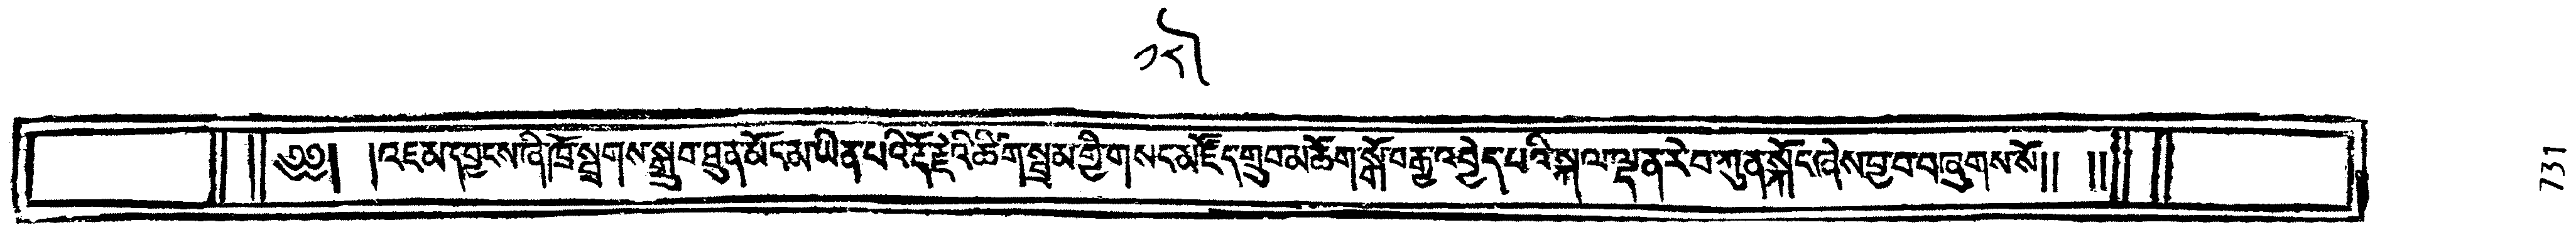༡༨?
༄༅། །འཇམ་དབྱངས་ཞི་ཁྲོ་སྦྲགས་སྒྲུབ་ཐུན་མོང་མ་ཡིན་པའི་རྡོ་རྗེའི་ཚིག་སྦྲམ་གྱི་གསང་མཛོད་གྲུབ་མཆོག་སྒོ་བརྒྱ་འབྱེད་པའི་སྐལ་ལྡན་རེ་བ་ཀུན་སྐོང་ཞེས་བྱ་བ་བཞུགས་སོ།། །།